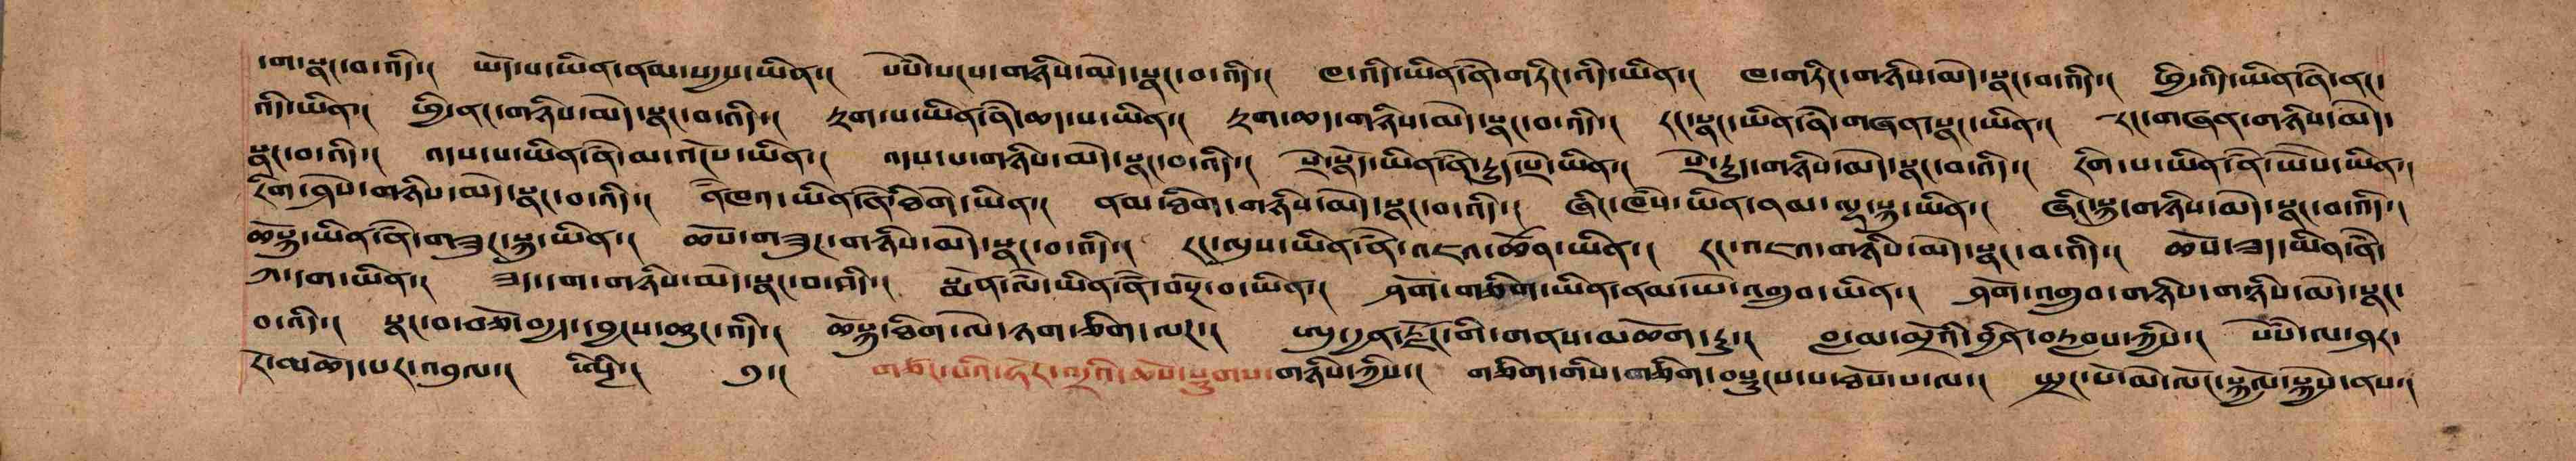དག་སྣང་བའདི།། ཡོད་པ་ཡིན་ནམ་སངས་རྒྱས་ཡིན།། སེམས་སངས་གཉིས་མེད་སྣང་བ་འདི།། ཁ འདི་ཡིན་ནམ་གཏིང་འདི་ཡིན།། ཁ་གཏིང་གཉིས་མེད་སྣང་བ་འདི།། ཕྱི་འདི་ཡིན་ནམ་ནང་
འདི་ཡིན།། ཕྱི་ནང་གཉིས་མེད་སྣང་བ་འདི།། རྟག་པ་ཡིན་ནམ་ཆད་པ་ཡིན།། རྟག་ཆད་གཉིས་མེད་སྣང་བ་འདི།། རང་སྣང་ཡིན་ནམ་གཞན་སྣང་ཡིན།། རང་གཞན་གཉིས་མེད་
སྣང་བ་འདི།། འདས་པ་ཡིན་ནམ་མ་འོངས་ཡིན།། འདས་པ་གཉིས་མེད་སྣང་བ་འདི།། སྡེ་སྣོད་ཡིན་ནམ་རྒྱུད་སྡེ་ཡིན།། སྡེ་རྒྱུད་གཉིས་མེད་སྣང་བ་འདི།། རིག་པ་ཡིན་ནམ་ཡེ་ཤེས་ཡིན།། 
རིག་ཤེས་གཉིས་མེད་སྣང་བ་འདི།། ནམ་མཁའ་ཡིན་ནམ་ཐིག་ལེ་ཡིན།། ནམ་ཐིག་གཉིས་མེད་སྣང་བ་འདི།། ཞིང་ཁམས་ཡིན་ནམ་ལྷ་སྐུ་ཡིན།། ཞིང་སྐུ་གཉིས་མེད་སྣང་བ་འདི།། 
ཆོས་སྐུ་ཡིན་ནམ་གཟུགས་སྐུ་ཡིན།། ཆོས་གཟུགས་གཉིས་མེད་སྣང་བ་འདི།། རང་ལུས་ཡིན་ནམ་འཇའ་ཚོན་ཡིན།། རང་འཇའ་གཉིས་མེད་སྣང་བ་འདི།། ཆོས་ཟད་ཡིན་ནམ་
ཀ་དག་ཡིན།། ཟད་དག་གཉིས་མེད་སྣང་བ་འདི།། སྨོན་ལམ་ཡིན་ནམ་བསྔོ་བ་ཡིན།། ཤོག་གཅིག་ཡིན་ནམ་ཡེ་འགྲུབ་ཡིན།། ཤོག་འགྲུབ་གཉིས་གཉིས་མེད་སྣང་
བ་འདི།། སྣང་བ་བཅོ་བརྒྱད་དབྱངས་ཆུང་འདི།། ཆོས་སྐུ་ཐིག་ལེ་ཉག་ཅིག་ལགས།། ཨུ་རྒྱན་རྫོང་གི་གནས་མཆོག་ཏུ།། བླ་མ་མཁའ་འགྲོའི་བྱིན་རླབས་ཀྱིས།། སེམས་ལ་ཤར་
རོ་མཆོད་པར་འབུལ།། ཨིཊི།། ༄་། གཙང་པའི་ཧོར་འདྲའི་ཆོས་སྡུགས་གཉིས་ཀྱིས།། གཅིག་གིས་གཅིག་བརྡུངས་པ་ཐོས་པ་ལ།། སྤྲང་པོ་མེ་ལོང་སྐྱོ་བ་སྐྱེས་ནས།།